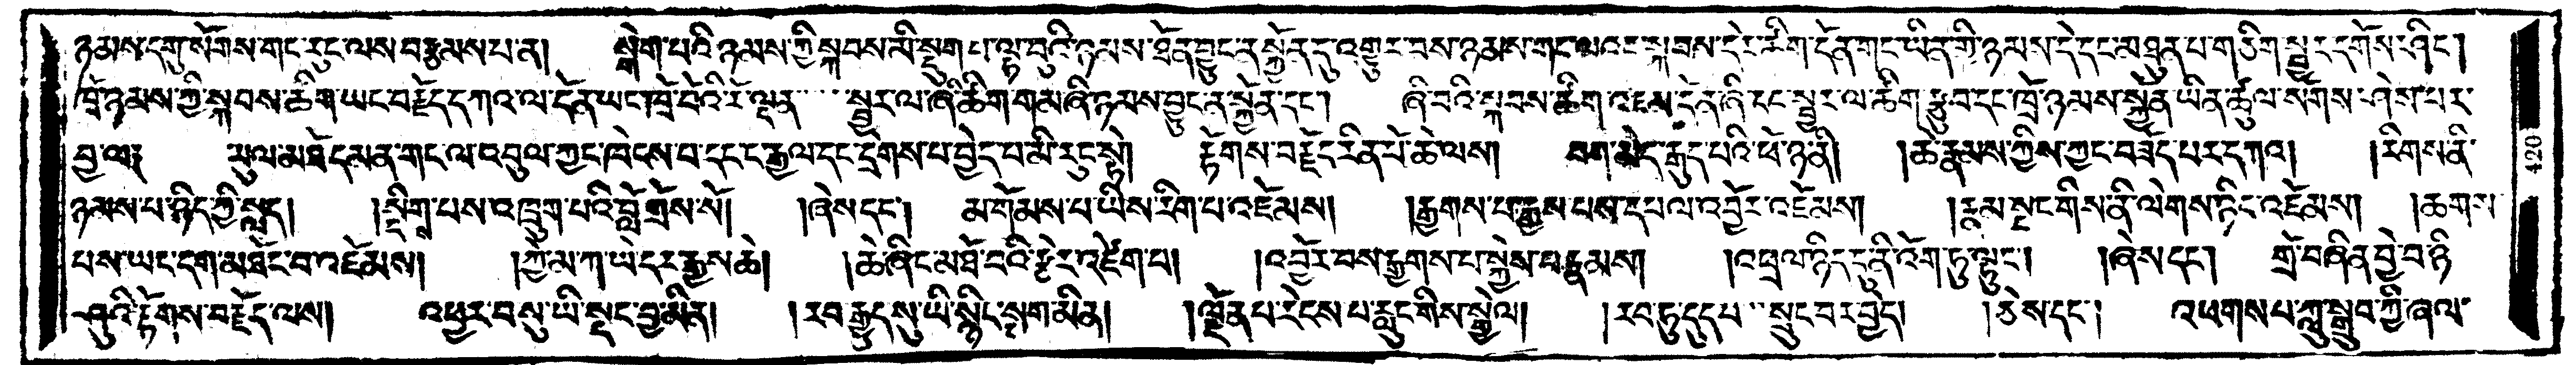ཉམས་དགུ་སོགས་གང་རུང་ལས་བརྩམས་པ་ན། སྒེག་པའི་ཉམས་ཀྱི་སྐབས་མི་སྡུག་པ་ལྟ་བུའི་ཉམས་ཐོན་བྱུང་ན་སྐྱོན་དུ་འགྱུར་བས་ཉམས་གང་ལའང་སྐབས་དེར་ཚིག་དོན་གང་ཡིན་གྱི་ཉམས་དེ་དང་མཐུན་པ་གཅིག་སྦྱར་དགོས་ཤིང་།
ཁྲོ་ཉམས་ཀྱི་སྐབས་ཚིག་ཡང་བརྗོད་དཀའ་ལ་དོན་ཡང་ཁྲོ་པོའི་རོ་ལྡན་སྦྱར་ལ་ཞི་ཚིག་གམ་ཞི་ཉམས་བྱུང་ན་སྐྱོན་དང་། ཞི་བའི་སྐབས་ཚིག་འཇམ་དོན་ཞི་དང་སྦྱར་ལ་ཚིག་རྩུབ་དང་ཁྲོ་ཉམས་སྐྱོན་ཡིན་ཚུལ་སོགས་ཤེས་པར་
བྱ་ལ། ཡུལ་མཐོད་མན་གང་ལ་འབུལ་ཀྱང་ཁེངས་བ་དང་ང་རྒྱལ་དང་དྲེགས་པ་བྱེད་པ་མི་རུང་སྟེ། རྟོགས་བརྗོད་རིན་པོ་ཆེ་ལས། བག་མེད་རྒུད་པའི་ཕོ་ཉ་ནི། །ཚ་རྣམས་ཀྱིས་ཀྱང་བཟོད་པར་དགའ། །རིགས་ནི་
ཉམས་པ་ཉིད་ཀྱི་སླད། །སྡིགས་པས་འཁྲུག་པའི་བློ་གྲོས་སོ། །ཞེས་དང་། མགོགས་པ་ཡིས་རིག་པ་འཇོམས། །རྒྱགས་པ་རྒྱས་པས་དཔལ་འབྱོར་འཇོམས། །སྣང་སྡང་གིས་ནི་ལེགས་ཉིད་འཇོམས། །ཆགས་
པས་ཡང་དག་མཐོང་བ་འཇོམས། །ཀྱེ་མ་ཀ་ཡེ་དར་རྒྱས་ཆེ། །ཆེ་ཞིང་མཐོ་བའི་རྩེར་འཛེག་པ། །འབྱོར་བས་རྒྱགས་པ་སྐྱེས་བརྣམས། །འཕྲལ་ཉིད་དུ་ནི་འོག་ཏུ་ལྟུང་། །ཞེས་དང་། གྲོ་བཞིན་བྱེ་བ་ཉི་
ཤུའི་རྟོགས་བརྗོད་ལས། འཕྱར་བ་སུ་ཡི་སྡང་བྱ་མིན། །རབ་རྒྱུད་སུ་ཡི་སྙིང་སྤག་མིན། །ལྗོན་པ་རེངས་པ་རླུང་གིས་སྐྱེལ། །རབ་ཏུ་དུད་པ་སྲུང་བར་བྱེད། །ཅེས་དང་། འཕགས་པ་ཀླུ་སྒྲུབ་ཀྱི་ཞལ་